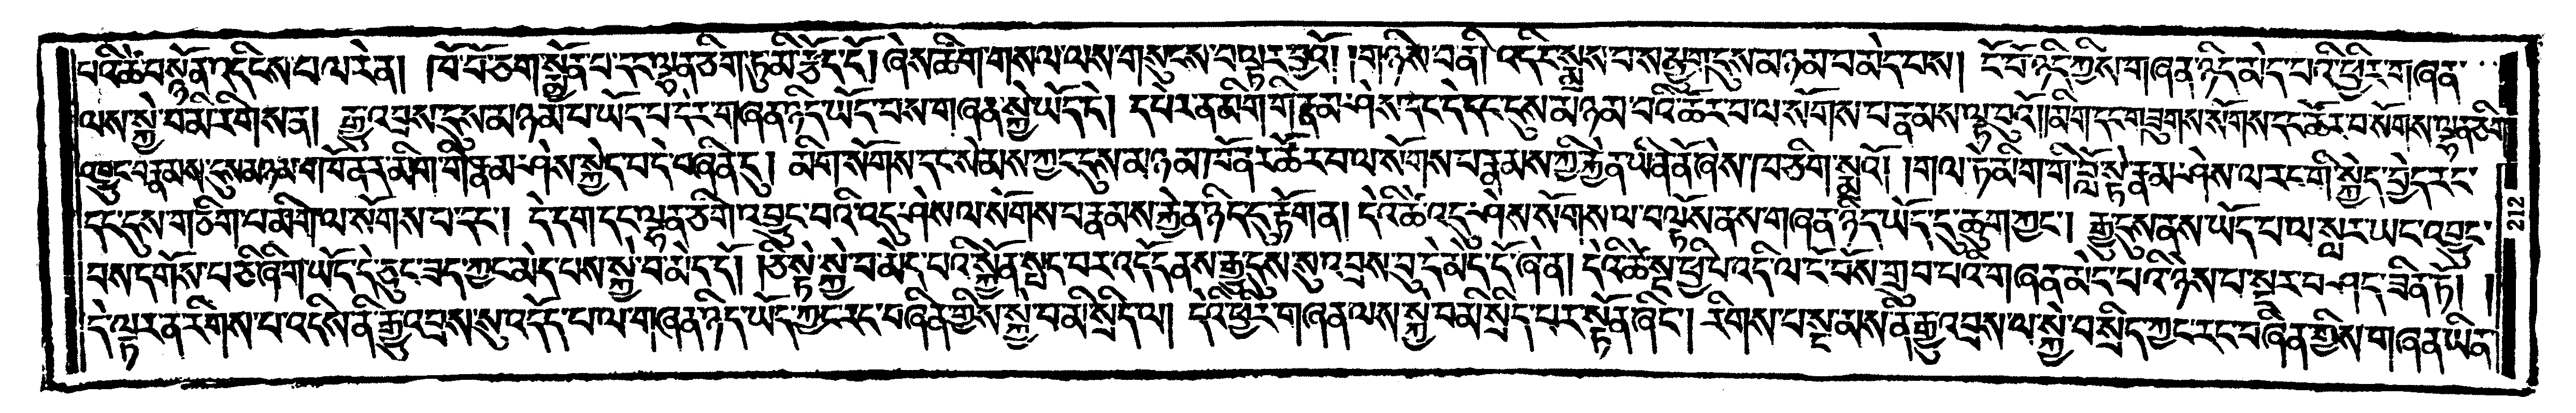པའི་ཚེ་བསྙོན་འདིངས་པ་ལ་རེ་ན། ཁོ་བོ་ཅག་སྨྱོན་པ་དང་ལྷན་ཅིག་ཏུ་མི་རྩོད་དོ། ཞེས་ཚིག་གསལ་ལས་གསུངས་པ་ལྟར་བྱའོ། །གཉིས་པ་ནི། འདིར་སྨྲས་པ་ས་མྱུག་དུས་མཉམ་པ་མེད་པས། ངོ་བོ་ཉིད་ཀྱིས་གཞན་ཉིད་མེད་པའི་ཕྱིར་གཞན་
ལས་སྐྱེ་བ་མི་རིགས་ན། རྒྱུ་འབྲས་དུས་མཉམ་པ་ཡོད་པ་དེར་གཞན་ཉིད་ཡོད་པས་གཞན་སྐྱེ་ཡོད་དེ། དཔེར་ན་མིག་གི་རྣམ་ཤེས་དང་དེ་དང་དུས་མཉམ་པའི་ཚོར་བ་ལ་སོགས་པ་རྣམས་ལྟ་བུའོ། །མིག་དང་གཟུགས་སོགས་དང་ཚོར་བ་སོགས་ལྷན་ཅིག་
འབྱུང་བ་རྣམས་དུས་མཉམ་པ་ཁོ་ནར་མིག་གི་རྣམ་ཤེས་སྐྱེད་པ་དེ་བཞིན་དུ། མིག་སོགས་དང་སེམས་ཀྱང་དུས་མཉམ་ཁོ་ནར་ཚོར་བ་ལ་སོགས་པ་རྣམས་ཀྱི་རྐྱེན་ཡིན་ནོ་ཞེས་ཁ་ཅིག་སྨྲའོ། །གལ་ཏེ་མིག་གི་བློ་སྟེ་རྣམ་ཤེས་ལ་རང་གི་སྐྱེད་བྱེད་རང་
དང་དུས་གཅིག་པ་མིག་ལ་སོགས་པ་དང་། དེ་དག་དང་ལྷན་ཅིག་འབྱུང་བའི་འདུ་ཤེས་ལ་སོགས་པ་རྣམས་རྐྱེན་ཉིད་དུ་རྟོག་ན། དེའི་ཚེ་འདུ་ཤེས་སོགས་ལ་བལྟོས་ནས་གཞན་ཉིད་ཡོད་དུ་ཆུག་ཀྱང་། རྒྱུ་དུས་ནས་ཡོད་པ་ལ་སླར་ཡང་འབྱུང་
བས་དགོས་པ་ཅི་ཞིག་ཡོད་དེ་ཅུང་ཟད་ཀྱང་མེད་པས་སྐྱེ་བ་མེད་དོ། །ཅི་སྟེ་སྐྱེ་བ་མེད་པའི་སྐྱོན་སྤང་བར་འདོད་ནས་རྒྱུ་དུས་སུ་འབྲས་བུ་དེ་མེད་དོ་ཞེ་ན། དེའི་ཚེ་སྔ་ཕྱི་བ་འདི་ལ་ངོ་བོས་གྲུབ་པའི་གཞན་མེད་པའི་ཉེས་པ་སྔར་བཤད་ཟིན་ཏོ།།
དེ་ལྟར་ན་རིགས་པ་འདིས་ནི་རྒྱུ་འབྲས་སུ་འདོད་པ་ལ་གཞན་ཉིད་ཡོད་ཀྱང་རང་བཞིན་གྱིས་སྐྱེ་བ་མི་སྲིད་ལ། དེའི་ཕྱིར་གཞན་ལས་སྐྱེ་བ་མི་སྲིད་པར་སྟོན་ཞིང་། རིགས་པ་སྔ་མས་ནི་རྒྱུ་འབྲས་ལ་སྐྱེ་བ་སྲིད་ཀྱང་རང་བཞིན་གྱིས་གཞན་ཡིན་